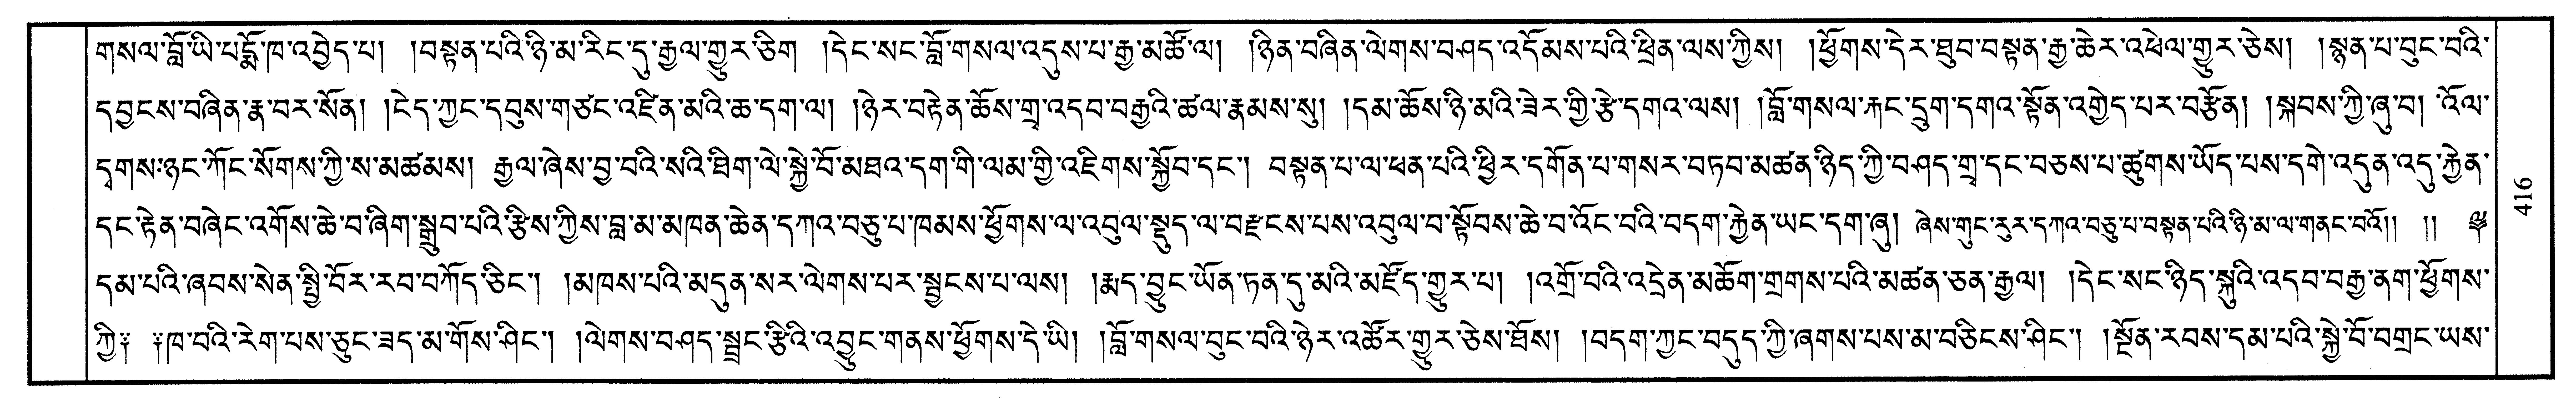གསལ་བློ་ཡི་པདམོ་ཁ་འབྱེད་པ། །བསྟན་པའི་ཉི་མ་རིང་དུ་རྒྱལ་གྱུར་ཅིག །དེང་སང་བློ་གསལ་འདུས་པ་རྒྱ་མཚོ་ལ། །ཉིན་བཞིན་ལེགས་བཤད་འདོམས་པའི་ཕྲིན་ལས་ཀྱིས། །ཕྱོགས་དེར་ཐུབ་བསྟན་རྒྱ་ཆེར་འཕེལ་གྱུར་ཅེས། །སྙན་པ་བུང་བའི་
དབྱངས་བཞིན་རྣ་བར་སོན། །ངེད་ཀྱང་དབུས་གཙང་འཛིན་མའི་ཆ་དག་ལ། །ཉེར་བརྟེན་ཆོས་གྲྭ་འདབ་བརྒྱའི་ཚལ་རྣམས་སུ། །དམ་ཆོས་ཉི་མའི་ཟེར་གྱི་རྩེ་དགའ་ལས། །བློ་གསལ་རྐང་དྲུག་དགའ་སྟོན་འགྱེད་པར་བརྩོན། །སྐབས་ཀྱི་ཞུ་བ། འོལ་
དྭགས་ཉང་ཀོང་སོགས་ཀྱི་ས་མཚམས། །རྒྱལ་ཞེས་བྱ་བའི་སའི་ཐིག་ལེ་སྐྱེ་བོ་མཐའ་དག་གི་ལམ་གྱི་འཇིགས་སྐྱོབ་དང་། །བསྟན་པ་ལ་ཕན་པའི་ཕྱིར་དགོན་པ་གསར་བཏབ་མཚན་ཉིད་ཀྱི་བཤད་གྲྭ་དང་བཅས་པ་ཚུགས་ཡོད་པས་དགེ་འདུན་འདུ་རྐྱེན་
དང་རྟེན་བཞེང་འགོས་ཆེ་བ་ཞིག་སྒྲུབ་པའི་རྩིས་ཀྱིས་བླ་མ་མཁན་ཆེན་དཀའ་བཅུ་པ་ཁམས་ཕྱོགས་ལ་འབུལ་སྡུད་ལ་བརྫངས་པས་འབུལ་བ་སྟོབས་ཆེ་བ་འོང་བའི་བདག་རྐྱེན་ཡང་དག་ཞུ། ཞེས་གུང་རུར་དཀའ་བཅུ་པ་བསྟན་པའི་ཉི་མ་ལ་གནང་བའོ།། །། ༈
དམ་པའི་ཞབས་སེན་སྤྱི་བོར་རབ་བཀོད་ཅིང་། །མཁས་པའི་མདུན་སར་ལེགས་པར་སྦྱངས་པ་ལས། །རྨད་བྱུང་ཡོན་ཏན་དུ་མའི་མཛོད་གྱུར་པ། །འགྲོ་བའི་འདྲེན་མཆོག་གྲགས་པའི་མཚན་ཅན་རྒྱལ། །དེང་སང་ཉིད་སྐུའི་འདབ་བརྒྱ་ནག་ཕྱོགས་
ཀྱི༑ ༑ཁ་བའི་རེག་པས་ཅུང་ཟད་མ་གོས་ཤིང་། །ལེགས་བཤད་སྦྲང་རྩིའི་འབྱུང་གནས་ཕྱོགས་དེ་ཡི། །བློ་གསལ་བུང་བའི་ཉེར་འཚོར་གྱུར་ཅེས་ཐོས། །བདག་ཀྱང་བདུད་ཀྱི་ཞགས་པས་མ་བཅིངས་ཤིང་། །སྔོན་རབས་དམ་པའི་སྐྱེ་བོ་བགྲང་ཡས་